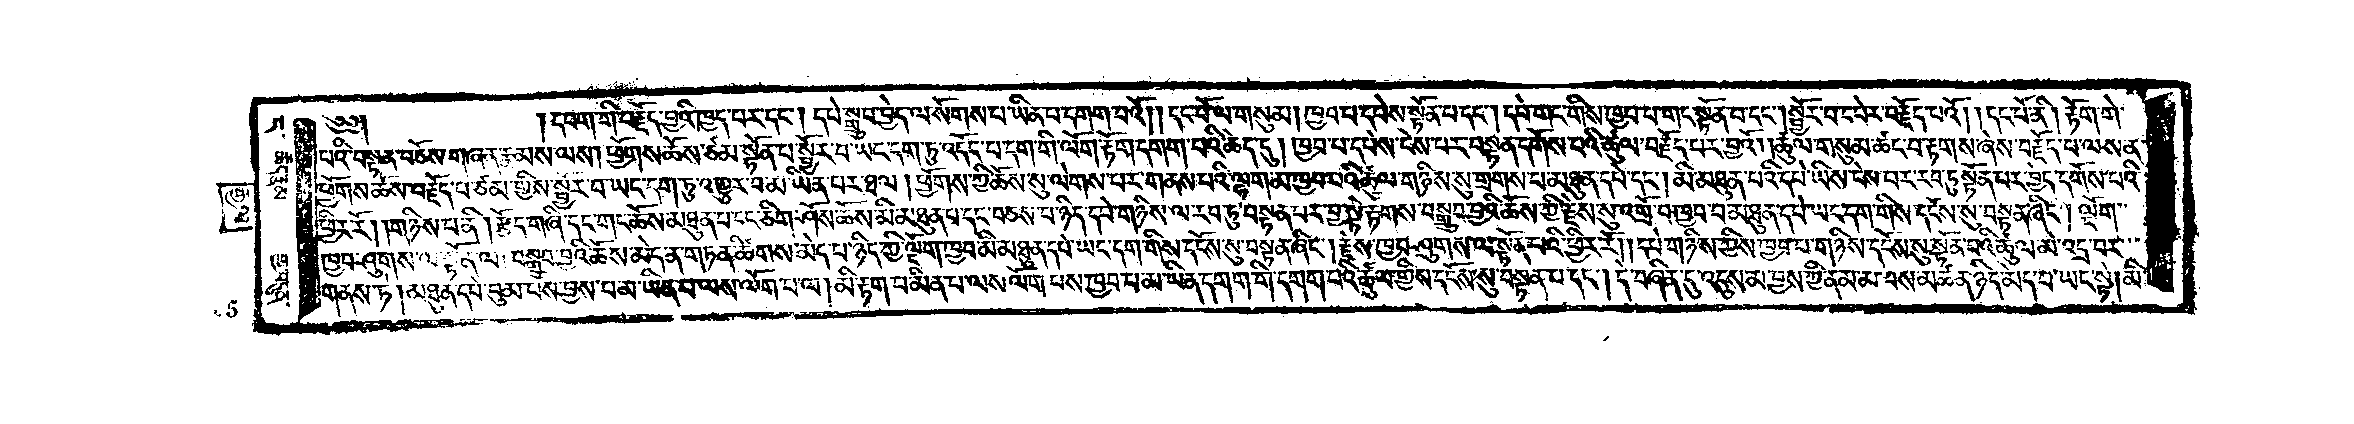༄༅། །དཔག་གི་བརྗོད་བྱའི་ཁྱད་པར་དང་། དཔེ་སྒྲུབ་བྱེད་ལ་སོགས་པ་ཡིན་པ་དགག་པའོ། །དང་པོ་ལ་གསུམ། ཁྱབ་པ་དཔེས་སྟོན་པ་དང་། དཔེ་གང་གིས་ཁྱབ་པ་གང་སྟོན་པ་དང་། སྦྱོར་བ་དཔེར་བརྗོད་པའོ། །དང་པོ་ནི། རྟོག་གེ་
པའི་བསྟན་བཅོས་གཞན་རྣམས་ལས། ཕྱོགས་ཆོས་ཙམ་སྟོན་པ་སྦྱོར་བ་ཡང་དག་ཏུ་འདོད་པ་དག་གི་ལོག་རྟོག་དགག་པའི་ཆེད་དུ། ཁྱབ་པ་དཔེས་ངེས་པར་བསྟན་དགོས་པའི་ཚུལ་བརྗོད་པར་བྱའོ། །ཚུལ་གསུམ་ཚང་བ་རྟགས་ཞེས་བརྗོད་པ་ལས་ན་
ཕྱོགས་ཆོས་བརྗོད་པ་ཙམ་གྱིས་སྦྱོར་བ་ཡང་དག་ཏུ་འགྱུར་བ་མ་ཡིན་པར་ཐལ། །ཕྱོགས་ཀྱི་ཆོས་སུ་ལེགས་པར་གནས་པའི་ལྷག་མ་ཁྱབ་པའི་ཚུལ་གཉིས་སུ་གྲགས་པ་མཐུན་དཔེ་དང་། མི་མཐུན་པའི་དཔེ་ཡིས་ངེས་པར་རབ་ཏུ་སྟོན་པར་བྱེད་དགོས་པའི་
ཕྱིར་རོ། །གཉིས་པ་ནི། རྩོད་གཞི་དང་གང་ཆོས་མཐུན་པ་དང་ཅིག་ཤོས་ཆོས་མི་མཐུན་པ་དང་བཅས་པ་ཉིད་དཔེ་གཉིས་ལ་རབ་ཏུ་བསྟན་པར་བྱ་སྟེ་རྟགས་བསྒྲུབ་བྱའི་ཆོས་ཀྱི་རྗེས་སུ་འགྲོ་བ་ཁྱབ་པ་མཐུན་དཔེ་ཡང་དག་གིས་དངོས་སུ་བསྟན་ཞིང་། ལྡོག་
ཁྱབ་ཤུགས་ལ་སྟོན་ལ་སྟོན་ལ། བསྒྲུབ་བྱའི་ཆོས་མེད་ན་གཏན་ཚིགས་མེད་པ་ཉིད་ཀྱི་ལྡོག་ཁྱབ་མི་མཐུན་དཔེ་ཡང་དག་གིས་དངོས་སུ་བསྟན་ཞིང་། རྗེས་ཁྱབ་ཤུགས་ལ་སྟོན་པའི་ཕྱིར་རོ། །དཔེ་གཉིས་ཀྱིས་ཁྱབ་པ་གཉིས་དངོས་སུ་སྟོན་པའི་ཚུལ་མི་འདྲ་བར་
གནས་ཏེ། མཐུན་དཔེ་བུམ་པས་བྱས་པ་མ་ཡིན་པ་ལས་ལོག་པ་ལ། མི་རྟག་པ་མིན་པ་ལས་ལོག་པས་ཁྱབ་པ་མ་ཡིན་དགག་གི་དགག་པའི་ཚུལ་གྱིས་དངོས་སུ་བསྟན་པ་དང་། དེ་བཞིན་དུ་འདུས་མ་བྱས་ཀྱི་ནམ་མཁས་མཚན་ཉིད་མེད་པ་ཡང་སྟེ། མི་